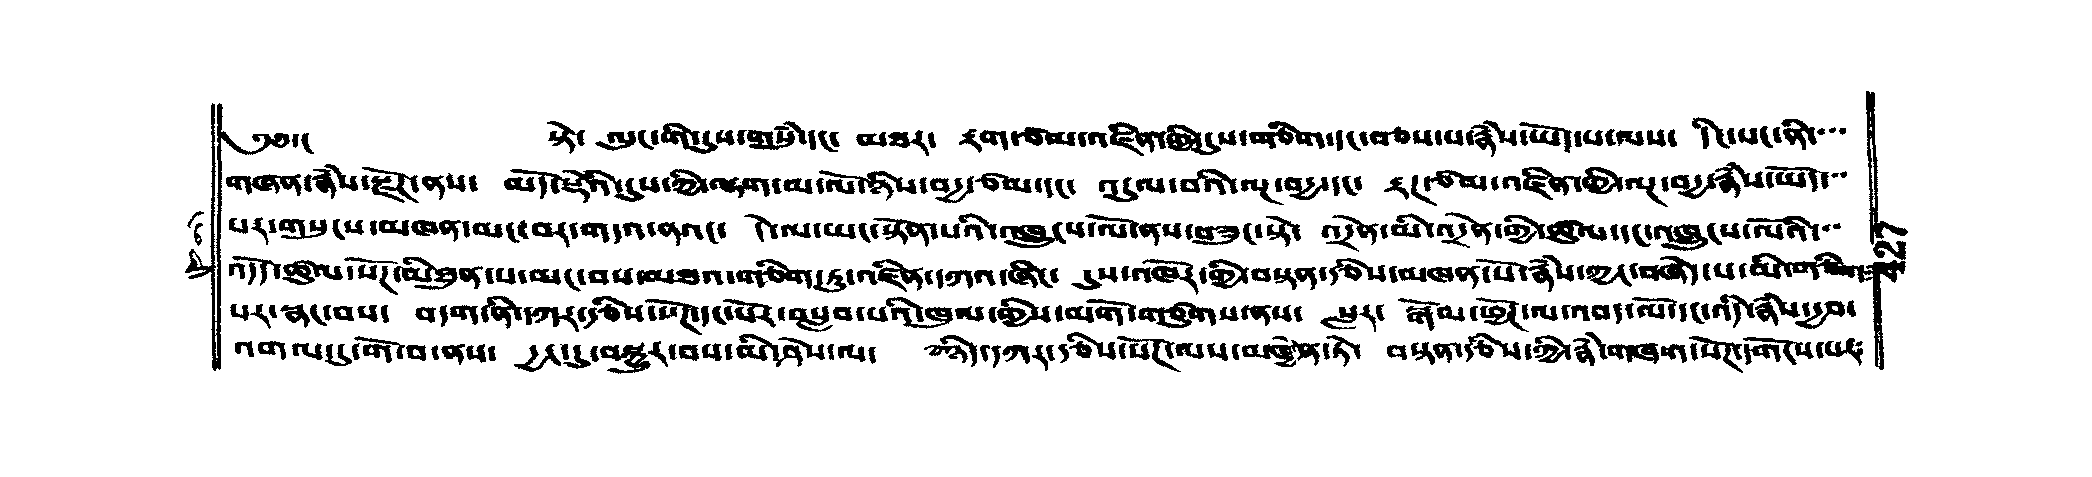སྟེ། ལུང་གི་དུས་གསུམ་དང་། མཐར་རྟགས་ཙམ་འཛིན་གྱི་དུས་གཅིག་དང་བཅས་པ་རྣམས་ཡོད་པ་ལས། དིང་སང་ནི་
གཞན་རྣམས་རྫོགས་ནས། མདོ་སྡེའི་དུས་ཀྱི་ལྷག་མ་ལོ་ཉིས་བརྒྱ་ཙམ་དང་། འདུལ་བའི་ལྔ་བརྒྱ་དང་། རྟགས་ཙམ་འཛིན་གྱི་ལྔ་བརྒྱ་རྣམས་ཡོད་
པར་གསུང་མཁན་མང་བར་གདའ་ནའང་། དེ་ལ་ཡང་སྟོན་པའི་འཁྲུངས་ལོ་ནས་བཟུང་སྟེ། འདྲེན་མི་འདྲེན་གྱི་ཚུལ་དང་འཁྲུངས་ལོའི་
འདོད་ཚུལ་ལུགས་མི་མཐུན་པ་མང་བས་མཐའ་གཅིག་ཏུ་འཛིན་དཀའ་ཞིང་། དུས་འཁོར་གྱི་བསྟན་རྩིས་མཁན་པོ་རྣམས་ཀྱང་བཞེད་པ་མི་གཅིག་
པར་སྣང་བས། བདག་ནི་དཀར་རྩིས་སོགས་དང་པོར་བསླབ་པའི་ཁུལ་གྱི་འགོ་གཙུགས་ནས་ སླར། སྒོམ་ཕྱོགས་ལ་འབད་ལོ་དང་འདི་རྣམས་རྒྱབ་
འགལ་དུ་གོ་བ་ནས་ རྒྱང་དུ་བསྐྱུར་བས་མི་ཤེས་ལ། ཉིད་དཀར་རྩིས་སོགས་ལོས་མཁྱེན་ཏེ། བསྟན་རྩིས་ཀྱི་རྣམ་གཞག་སོགས་དགོངས་པར་